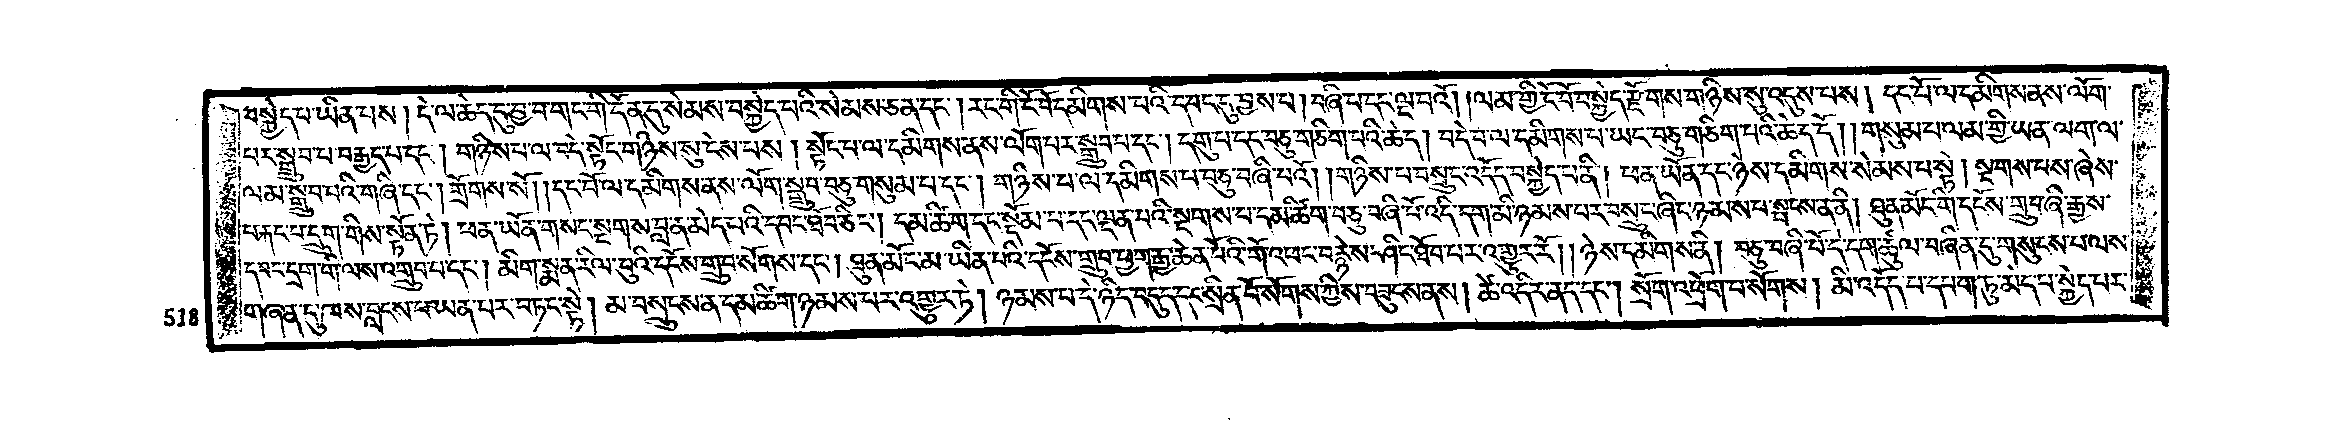བསྐྱེད་པ་ཡིན་པས། དེ་ལ་ཆེད་དུ་བྱ་བ་གང་གི་དོན་དུ་སེམས་བསྐྱེད་པའི་སེམས་ཅན་དང་། རང་གི་ངོ་བོ་དམིགས་པའི་དབང་དུ་བྱས་པ། བཞི་པ་དང་ལྔ་པའོ། །ལམ་གྱི་ངོ་བོ་བསྐྱེད་རྫོགས་གཉིས་སུ་འདུས་པས། དང་པོ་ལ་དམིགས་ནས་ལོག་
པར་སྒྲུབ་པ་བརྒྱད་པ་དང་། གཉིས་པ་ལ་བདེ་སྟོང་གཉིས་སུ་ངེས་པས། སྟོང་པ་ལ་དམིགས་ནས་ལོག་པར་སྒྲུབ་པ་དང་། དགུ་པ་དང་བཅུ་གཅིག་པའི་ཆེད། བདེ་བ་ལ་དམིགས་པ་ཡང་བཅུ་གཅིག་པའི་ཆེད་དོ། །གསུམ་པ་ལམ་གྱི་ཡན་ལག་ལ་
ལམ་སྒྲུབ་པའི་གཞི་དང་། གྲོགས་སོ། །དང་པོ་ལ་དམིགས་ནས་ལོག་སྒྲུབ་བཅུ་གསུམ་པ་དང་། གཉིས་པ་ལ་དམིགས་པ་བཅུ་བཞི་པའོ། །གཉིས་པ་བསྲུང་འདོད་བསྐྱེད་པ་ནི། ཕན་ཡོན་དང་ཉེས་དམིགས་སེམས་པ་སྟེ། སྔགས་པས་ཞེས་
པ་རྐང་པ་དྲུག་གིས་སྟོན་ཏེ། ཕན་ཡོན་གསང་སྔགས་བླ་ན་མེད་པའི་དབང་ཐོབ་ཅིང་། དམ་ཚིག་དང་སྡོམ་པ་དང་ལྡན་པའི་སྔགས་པ་དམ་ཚིག་བཅུ་བཞི་པོ་འདི་དག་མི་ཉམས་པར་བསྲུང་ཞིང་ཉམས་པ་སྤངས་ན་ནི། ཐུན་མོང་གི་དངོས་གྲུབ་ཞི་རྒྱས་
དབང་དྲག་གི་ལས་འགྲུབ་པ་དང་། མིག་སྨན་རིལ་བུའི་དངོས་གྲུབ་སོགས་དང་། ཐུན་མོང་མ་ཡིན་པའི་དངོས་གྲུབ་ཕྱག་རྒྱ་ཆེན་པོའི་གོ་འཕང་བརྙེས་ཤིང་ཐོབ་པར་འགྱུར་རོ། །ཉེས་དམིགས་ནི། བཅུ་བཞི་པོ་དེ་དག་ཚུལ་བཞིན་དུ་གསུངས་པ་ལས་
གཞན་དུ་ཁས་བླངས་པ་ཡིན་པར་བཏང་སྟེ། མ་བསྲུངས་ན་དམ་ཚིག་ཉམས་པར་འགྱུར་ཏེ། ཉམས་པ་དེ་ཉིད་བདུད་དང་སྲིན་པོ་སོགས་ཀྱིས་བཟུངས་ནས། ཚེ་འདིར་ནད་དང་། སྲོག་འཕྲོག་པ་སོགས། མི་འདོད་པ་དཔག་ཏུ་མེད་པ་སྐྱེད་པར་